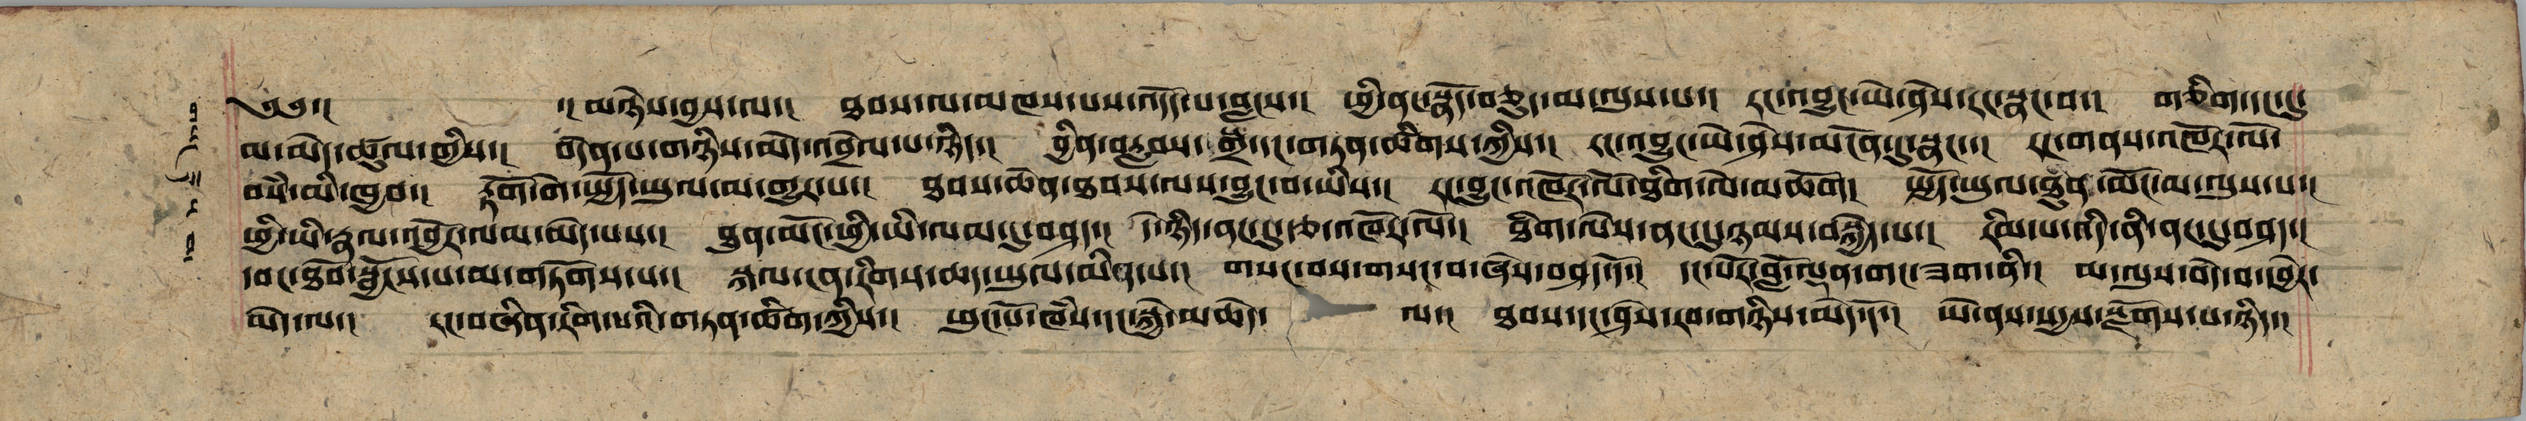༄༅་། ་།མཉེས་བྱས་ལ་། ཐབས་ལ་མཁས་པས་འདོད་པ་བླངས་། ཕྱི་ནང་སྣོད་བཅུད་མ་ལུས་པ་། རང་བྱུང་ཡེ་ཤེས་རང་སྣང་བ་། གཅིག་དང་དུ་
མ་མེད་ཚུལ་གྱིས་། བདེན་པ་གཉིས་མེད་འབྲེལ་པ་ཉིད་། བྱིན་བརླབས་སྒྲ་དང་གཏན་ཚིགས་ཀྱིས་། རང་འབྱུང་ཡེ་ཤེས་མངོན་དུ་སྣང་་། རང་གནས་འཁོར་ལོ་
བསཾ་མི་ཁྱབ་། རྟོག་གེ་སྤྱོད་ཡུལ་མ་གྱུར་པ་། ཐབས་ཆེན་ཐབས་ལས་བྱུང་བ་ཡིས་། རང་བྱུང་འཁོར་ལོ་ཐིག་ལེ་མཆོག། སྤྱོད་ཡུལ་ཐུན་མོང་མ་ལུས་པ་།
ཕྱི་ཡི་རྣལ་འབྱོར་ལམ་མེད་པས་། ཐུན་མོང་ཕྱི་ཡི་ལམ་དུ་བཤད་། དེ་ཉིད་ནང་དུ་རྩ་འཁོར་ལོ་། ཐིག་ལེས་ནང་དུ་ཉམས་བསྐྱེད་པ་། རིམ་པ་འདི་ནི་ནང་དུ་བཤད་།
དབང་ཐོབ་སྦྱོངས་པ་མ་གཏོགས་པ་། སྐལ་ངན་རིགས་ཆད་ཡུལ་མིན་པ་། གསང་བས་གསང་བ་ཞེས་བཤད་དོ་། དང་པོར་བློ་ལྡན་གང་ཟག་ནི་། མ་ལུས་བདེ་བ་དབྱེར་
མེད་ལ་། རང་བཞིན་རིག་པའི་གཏན་ཚིག་ཀྱིས་། ཕུང་པོ་ཁཾས་དང་སྐྱེ་མཆེད་ ལ་། ཐབས་དང་ཤེས་རབ་གཉིས་མེད་དོ་། ཡེ་ནས་སདྱས་སྫོགས་པ་ཉིད་།